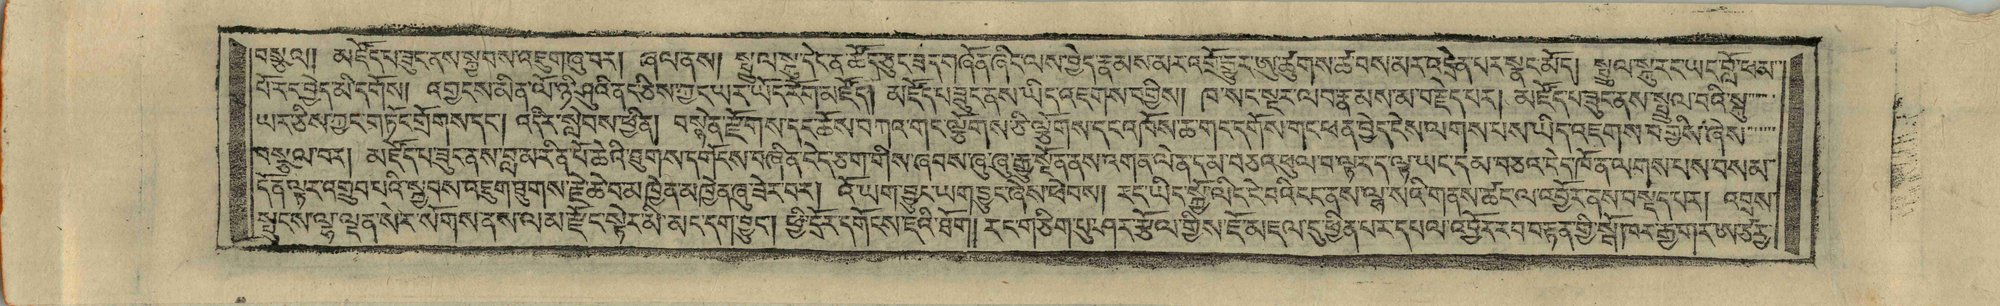བསྩལ། མཛོད་པ་ཟུང་ནས་སྐྱབས་འཇུག་ཞུ་བར། ཞལ་ནས། སྤྲུལ་སྐུ་དེང་ན་ཚོད་ཅུང་ཟད་གཞོན་ཞིང་ལས་བྱེད་རྣམས་མར་འགྲོ་རྒྱུར་ཨུ་ཚུགས་ཚ་བས་མར་འདྲེན་པར་སྣང་མོད། སྤྲུལ་སྐུ་རང་ཡང་བློ་ཕམ་
པོ་རང་བྱེད་མི་དགོས། འགྱངས་མིན་ལོ་ཉི་ཤུའི་ནང་ཅིས་ཀྱང་ཡར་ཡོང་རོག་མཛོད། མཛོད་པ་ཟུང་ནས་ཡིད་འཇགས་བགྱིས། ཁ་སང་སྔར་ལབ་རྣམས་མ་བརྗེད་པར། མཛོད་པ་ཟུང་ནས་སྤྲུལ་བའི་སྐུ་
ཡར་ཅིས་ཀྱང་གཏོང་གྲོགས་དང་། འདིར་སླེབས་ཕྱིན། བསྙེན་རྫོགས་དང་ཆོས་བཀའ་གང་ལྕོགས་ཅི་ལྕོགས་དང་འཁོས་ཆ་གང་དགོས་གང་ཕན་བྱེད་ངེས་ལགས་པས་ཡིད་འཇགས་བགྱིས་ཞེས་
བསྩལ་བར། མཛོད་པ་ཟུང་ནས་བླ་མ་རིན་པོ་ཆེའི་ཐུགས་དགོངས་བཞིན་ངེད་ཅག་གིས་ཞབས་ཞུ་ཞུ་རྒྱུ་སྔོན་ནས་འགན་ལེན་དམ་བཅའ་ཕུལ་བ་ལྟར་ད་ལྟ་ཡང་དམ་བཅའ་ངེད་ཁོ་ན་ལགས་པས་བསམ་
དོན་ལྟར་འགྲུབ་པའི་སྐྱབས་འཇུག་ཐུགས་རྗེ་ཆེ་བ་མཁྱེན་མཁྱེན་ཞུ་ཟེར་བར། འོ་ཡག་བྱུང་ཡག་བྱུང་ཞེས་ཕེབས། རང་ཡིད་སྐྱོ་ལིང་ངེ་བའི་ངང་ནས་ལྷ་སའི་གནས་ཚང་ལ་འབྱོར་ནས་བསྡད་པར། འབྲས་
སྤུངས་ལྷ་ལྡན་སར་སོགས་ནས་ལམ་རྫོང་སྟེར་མི་མང་དག་བྱུང་། ཕྱི་དྲོར་དགོངས་ཇའི་ཐོག །རང་གཅིག་པུ་ཤར་རྩོལ་གྱིས་ཇོ་མཇལ་དུ་ཕྱིན་པར་དཔལ་འབྱོར་རབ་བརྟན་གྱི་སྒོ་ཁར་རྒྱ་གར་ཨ་ཙརྱ་